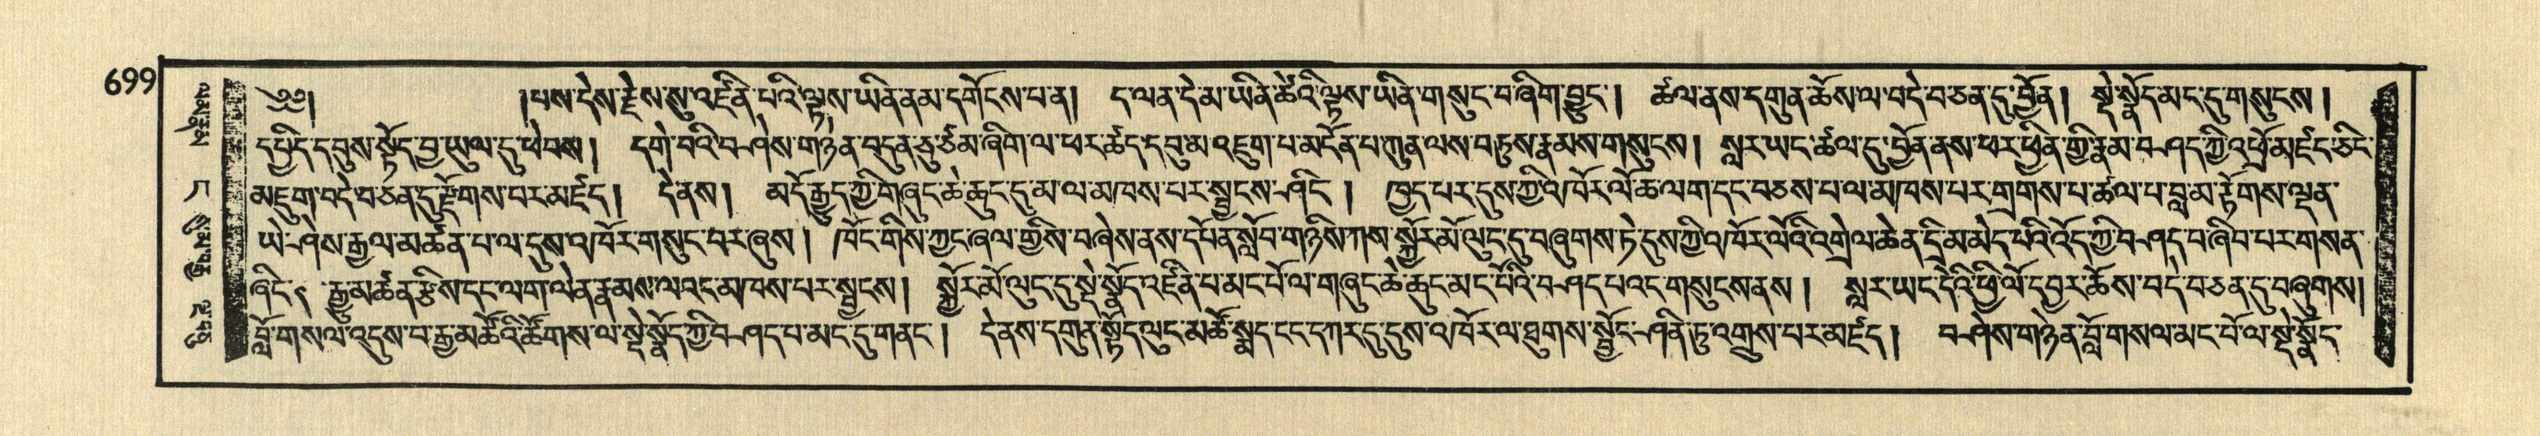༄༅། །པས་དེས་རྗེས་སུ་འཛིན་པའི་ལྟས་ཡིན་ནམ་དགོངས་པ་ན། ད་ལན་དེ་མ་ཡིན་ཚེའི་ལྟས་ཡིན་གསུང་བ་ཞིག་བྱུང་། ཚལ་ནས་དགུན་ཆོས་ལ་བདེ་བ་ཅན་དུ་བྱོན། སྡེ་སྣོད་མང་དུ་གསུངས།
དཔྱིད་དབུས་སྟོད་བྱ་ཡུལ་དུ་ཕེབས། དགེ་བའི་བཤེས་གཉེན་བདུན་ཅུ་ཙམ་ཞིག་ལ་ཕར་ཚད་དབུ་མ་འཇུག་པ་མངོན་པ་ཀུན་ལས་བཏུས་རྣམས་གསུངས། སླར་ཡང་ཚལ་དུ་བྱོན་ནས་ཕར་ཕྱིན་གྱི་རྣམ་བཤད་ཀྱི་འཕྲོ་མཛད་ཅིང་
མཇུག་བདེ་བ་ཅན་དུ་རྫོགས་པར་མཛད། དེ་ནས། མདོ་རྒྱུད་ཀྱི་གཞུང་ཆེ་ཆུང་དུ་མ་ལ་མཁས་པར་སྦྱངས་ཤིང་། ཁྱད་པར་དུས་ཀྱི་འཁོར་ལོ་ཆ་ལག་དང་བཅས་པ་ལ་མཁས་པར་གྲགས་པ་ཚལ་པ་བླ་མ་རྟོགས་ལྡན་
ཡེ་ཤེས་རྒྱལ་མཚན་པ་ལ་དུས་འཁོར་གསུང་བར་ཞུས། ཁོང་གིས་ཀྱང་ཞལ་གྱིས་བཞེས་ནས་དཔོན་སློབ་གཉིས་ཀས་སྐྱོར་མོ་ལུང་དུ་བཞུགས་ཏེ་དུས་ཀྱི་འཁོར་ལོའི་འགྲེལ་ཆེན་དྲི་མ་མེད་པའི་འོད་ཀྱི་བཤད་བ་ཞིབ་པར་གསན་
ཞིང༑ རྒྱུ་མཚན་རྩིས་དང་ལག་ལེན་རྣམས་ལའང་མཁས་པར་སྦྱངས། སྐྱོར་མོ་ལུང་དུ་སྡེ་སྣོད་འཛིན་པ་མང་པོ་ལ་གཞུང་ཆེ་ཆུང་མང་པོའི་བཤད་པའང་གསུངས་ནས། སླར་ཡང་དེའི་ཕྱི་ལོ་དབྱར་ཆོས་བདེ་བ་ཅན་དུ་བཞུགས།
བློ་གསལ་འདུས་པ་རྒྱ་མཚོའི་ཚོགས་ལ་སྡེ་སྣོད་ཀྱི་བཤད་པ་མང་དུ་གནང་། དེ་ནས་དགུན་སྟོད་ལུང་མཚོ་སྨད་ངང་དཀར་དུ་དུས་འཁོར་ལ་ཐུགས་སྦྱོང་ཤིན་ཏུ་འགྲུས་པར་མཛད། བཤེས་གཉེན་བློ་གསལ་མང་པོ་ལ་སྡེ་སྣོད་